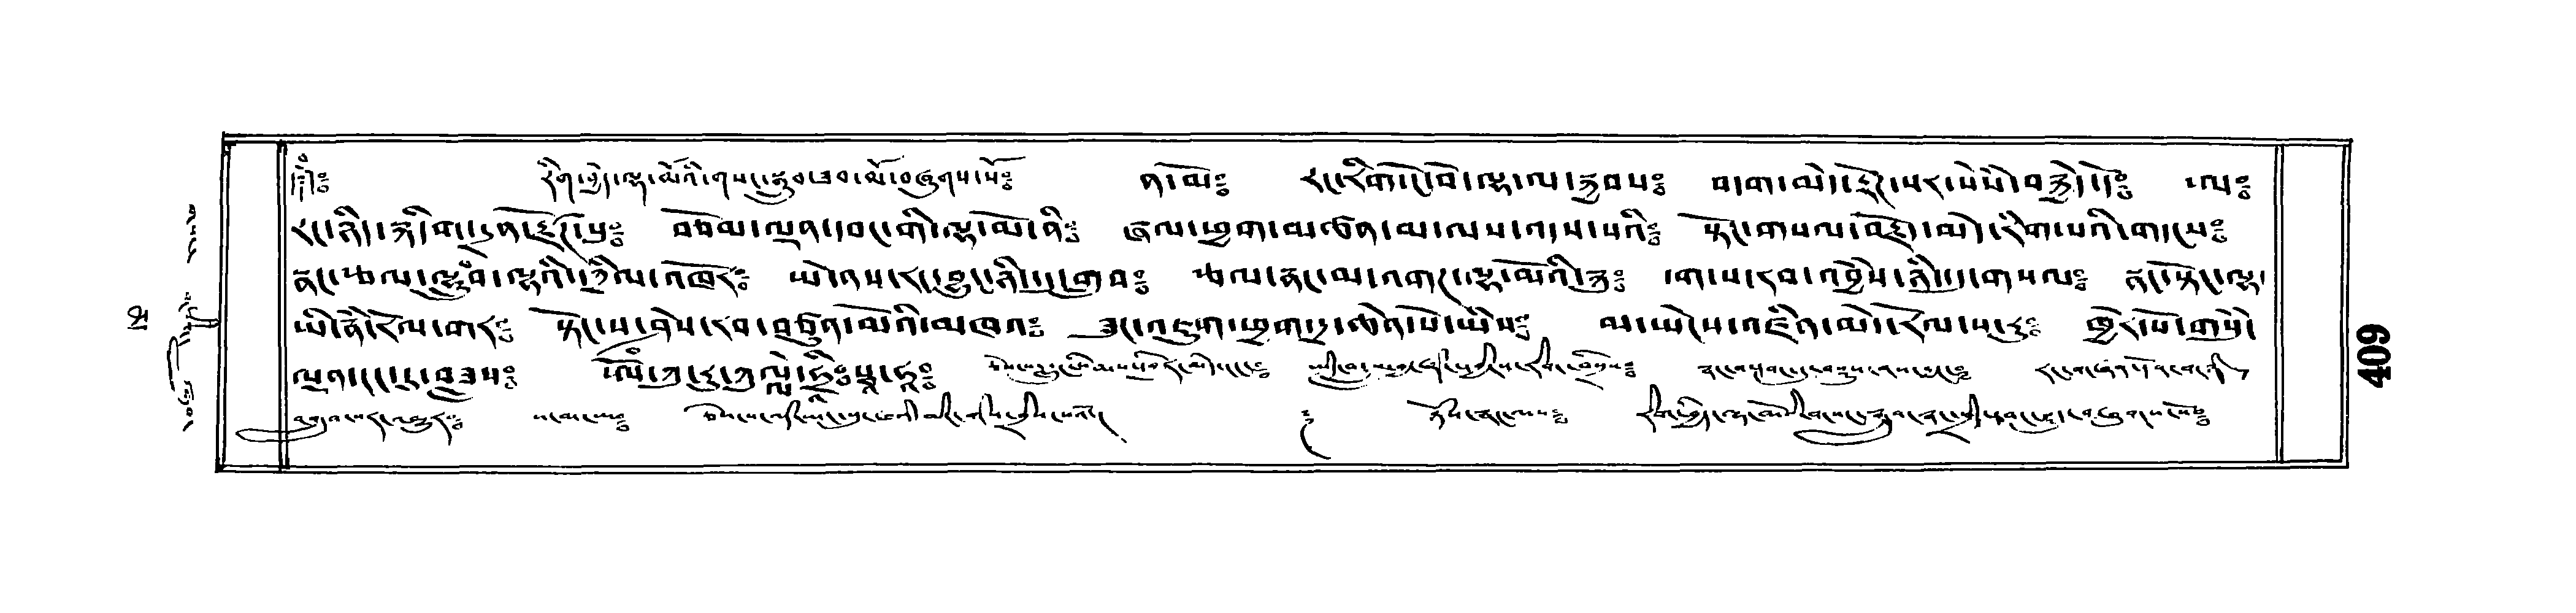རིག་བྱེད་ལྷ་མོའི་གསང་སྒྲུབ་ཟབ་མོ་བཞུགས་སོ༔ ན་མོ༔ རང་རིག་ངོ་བོ་ལྷ་ལ་སྐྱབས༔ བདག་མེད་རྟོགས་པར་སེམས་བསྐྱེད་དོ༔ ཨཱཿ 
རང་ཉིད་སྐད་ཅིག་དྲན་རྫོགས་སུ༔ བཅོམ་ལྡན་དབང་གི་ལྷ་མོ་ནི༔ ཞལ་ཕྱག་མཚན་མ་ལས་འདས་པའི༔ སྟོང་གསལ་བརྗོད་མེད་རིག་པའི་གདངས༔ 
སྣང་རྩལ་ལྷུན་གྲུབ་ལྷའི་དཀྱིལ་འཁོར༔ ཡེ་ནས་རང་བྱུང་ཉིད་དུ་གྲུབ༔ རྩལ་སྣང་མ་འགགས་ལྷ་མོའི་སྐུ༔ དག་པ་རབ་འབྱམས་ཉིད་དུ་གསལ༔ སྣང་སྟོང་ལྷ་
ཡི་རྣམ་རོལ་གར༔ སྟོང་པ་ཤེས་རབ་བཙུན་མོའི་མཁའ༔ ཟུང་འཇུག་ཕྱག་རྒྱ་ཆེན་པོ་ཡིས༔ མ་ཡེངས་འཛིན་མེད་རོལ་པ་རུ༔ ཁྱེར་སོ་གསུམ་
ལྡན་ངང་དུ་བཟླས༔ ཨོཾ་ཀུ་རུ་ཀུལླེ་ཧྲཱིཿསྭཱ་ཧཱཿ ཅེས་པ་རླུང་སེམས་དབྱེར་མེད་ངང༔ ཡིད་བཟླས་བྱ་ཞིང་དབྱིངས་རིག་བསྲེས༔ སྣང་བ་དབང་དུ་བསྡུས་ནས་ཀྱང༔ རང་གཞན་དོན་གཉིས་
འགྲུབ་པར་འགྱུར༔ ས་མ་ཡ༔ ཅེས་པ་འདི་ཡང་སུ་ཁའི་མིང་གིས་བྲིས་པའོ།། ༈ ཉམས་སྣང་ལས༔ རིག་བྱེད་ལྷ་མོའི་གསང་སྒྲུབ་སྣང་སྲིད་དབང་སྡུད་བཞུགས་སོ༔